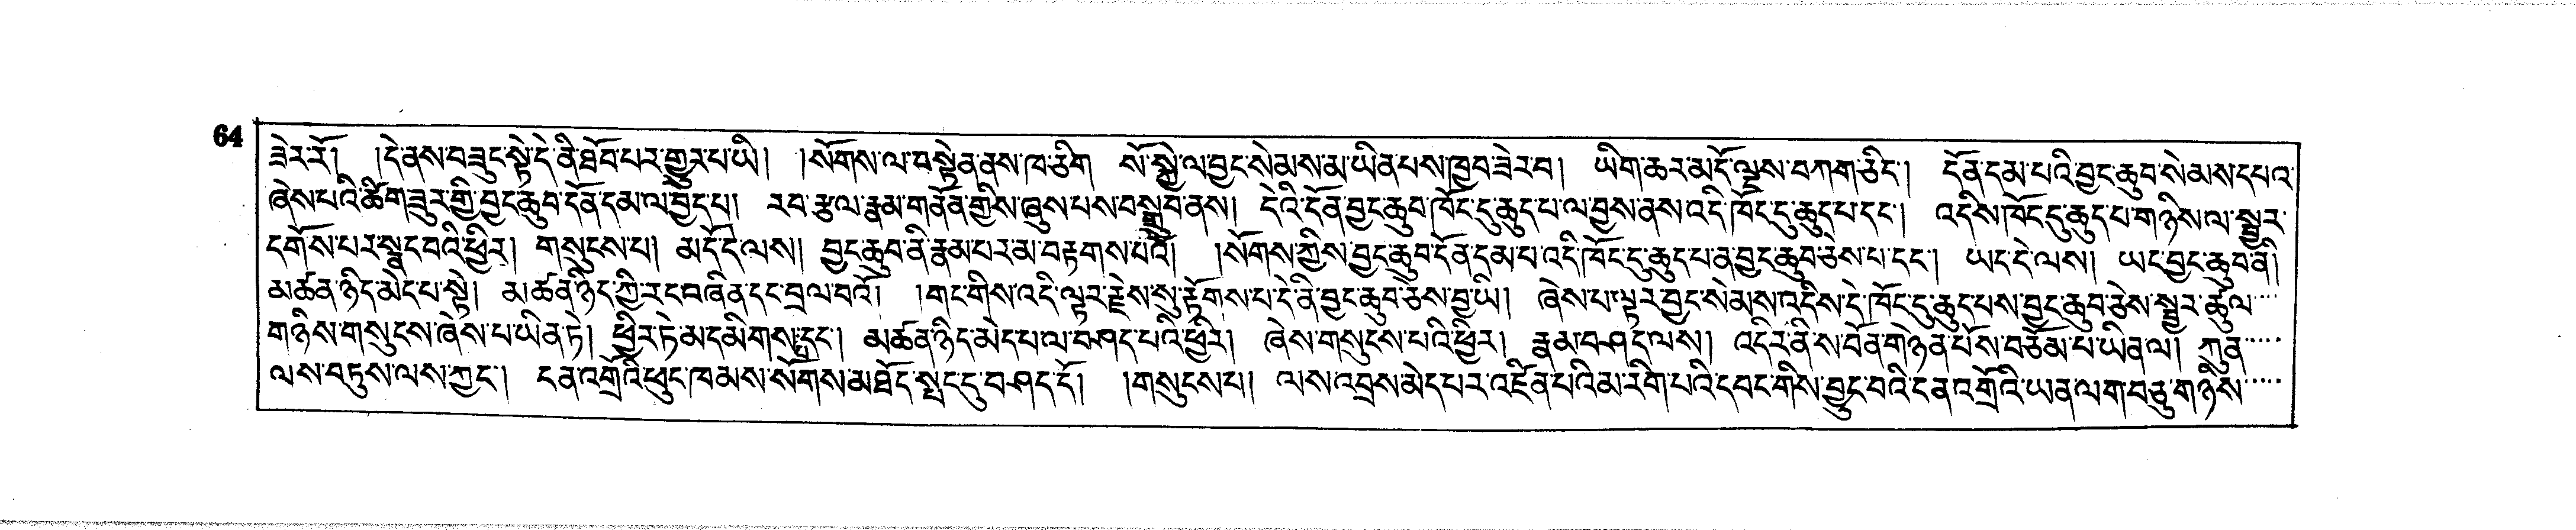ཟེར་རོ། །དེ་ནས་བཟུང་སྟེ་དེ་ནི་ཐོབ་པར་གྱུར་པ་ཡི། །སོགས་ལ་བསྟེན་ནས་ཁ་ཅིག་སོ་སྐྱེ་ལ་བྱང་སེམས་མ་ཡིན་པས་ཁྱབ་ཟེར་བ། ཡིག་ཆར་མདོ་ལྔས་བཀག་ཅིང་། དོན་དམ་པའི་བྱང་ཆུབ་སེམས་དཔའ་
ཞེས་པའི་ཚིག་ཟུར་གྱི་བྱང་ཆུབ་དོན་དམ་ལ་བྱེད་པ། རབ་རྩལ་རྣམ་གནོན་གྱིས་ཞུས་པས་བསྒྲུབ་ནས། དེའི་དོན་བྱང་ཆུབ་ཁོང་དུ་ཆུད་པ་ལ་བྱས་ནས་འདི་ཁོང་དུ་ཆུད་པ་དང་། འདིས་ཁོང་དུ་ཆུད་པ་གཉིས་ལ་སྦྱར་
དགོས་པར་སྣང་བའི་ཕྱིར། གསུངས་པ། མདོ་དེ་ལས། བྱང་ཆུབ་ནི་རྣམ་པར་མ་བརྟགས་པའོ། །སོགས་ཀྱིས་བྱང་ཆུབ་དོན་དམ་པ་འདི་ཁོང་དུ་ཆུད་པ་ན་བྱང་ཆུབ་ཅེས་པ་དང་། ཡང་དེ་ལས། ཡང་བྱང་ཆུབ་ནི།
མཚན་ཉིད་མེད་པ་སྟེ། མཚན་ཉིད་ཀྱི་རང་བཞིན་དང་བྲལ་བའོ། །གང་གིས་འདི་ལྟར་རྗེས་སུ་རྟོགས་པ་དེ་ནི་བྱང་ཆུབ་ཅེས་བྱ་ཡི། ཞེས་པ་ལྟར་བྱང་སེམས་འདིས་དེ་ཁོང་དུ་ཆུད་པས་བྱང་ཆུབ་ཅེས་སྦྱར་ཚུལ་
གཉིས་གསུངས་ཞེས་པ་ཡིན་ཏེ། ཕྱིར་ཏེ་མ་དམིགས་པ་དང་། མཚན་ཉིད་མེད་པ་ལ་བཤད་པའི་ཕྱིར། ཞེས་གསུངས་པའི་ཕྱིར། རྣམ་བཤད་ལས། འདིར་ནི་ས་བོན་གཉེན་པོས་བཅོམ་པ་ཡིན་ལ། ཀུན་
ལས་བཏུས་ལས་ཀྱང་། ངན་འགྲོའི་ཕུང་ཁམས་སོགས་མཐོད་སྤང་དུ་བཤད་དོ། །གསུངས་པ། ལས་འབྲས་མེད་པར་འཛིན་པའི་མ་རིག་པའི་དབང་གིས་བྱུང་བའི་ངན་འགྲོའི་ཡན་ལག་བཅུ་གཉིས་